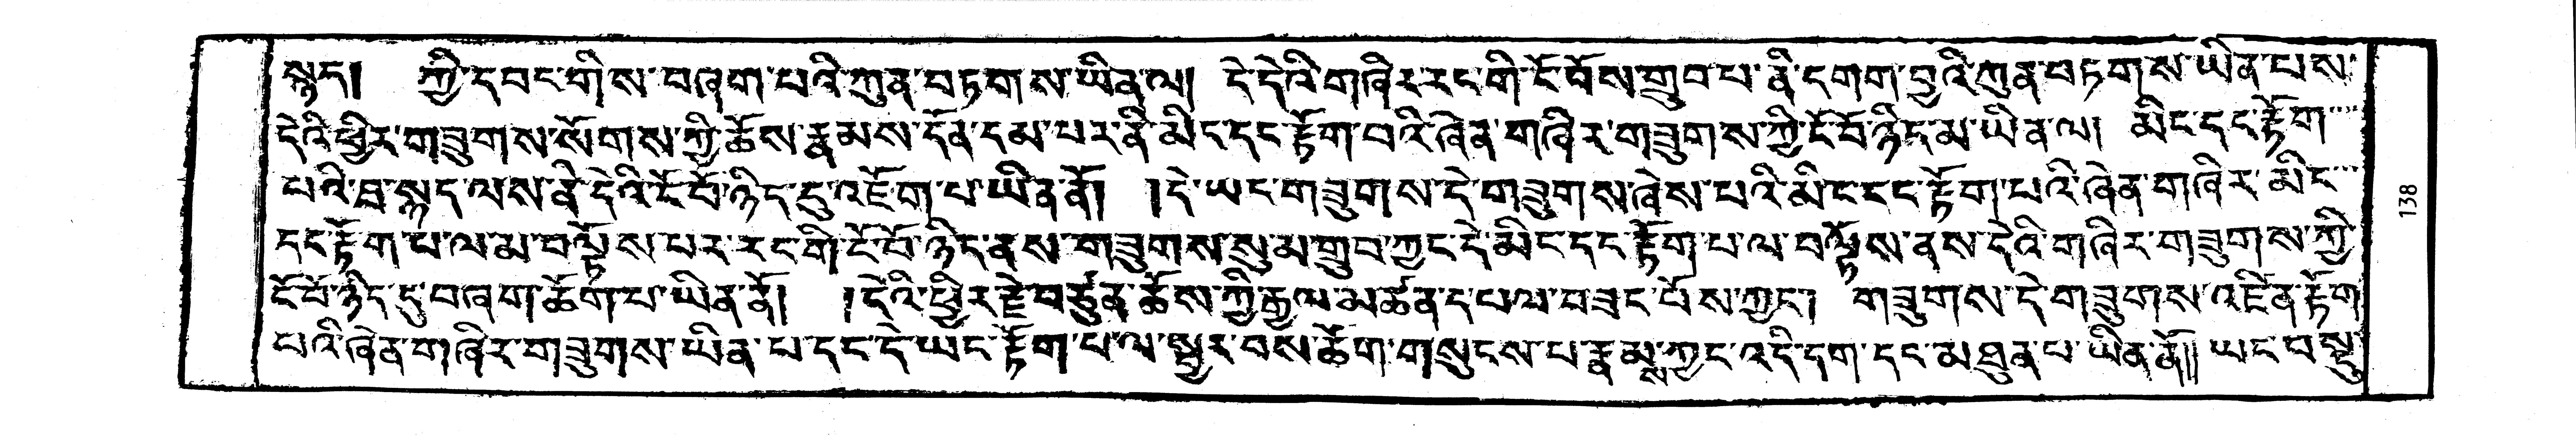སྙད། ཀྱི་དབང་གིས་བཞག་པའི་ཀུན་བཏགས་ཡིན་ལ། དེ་དེའི་གཞིར་རང་གི་ངོ་བོས་གྲུབ་པ་ནི་དགག་བྱའི་ཀུན་བཏགས་ཡིན་པས་
དེའི་ཕྱིར་གཟུགས་སོགས་ཀྱི་ཆོས་རྣམས་དོན་དམ་པར་ནི་མིང་དང་རྟོག་པའི་ཞེན་གཞིར་གཟུགས་ཀྱི་ངོ་བོ་ཉིད་མ་ཡིན་ལ། མིང་དང་རྟོག་
པའི་ཐ་སྙད་ལས་ནི་དེའི་ངོ་བོ་ཉིད་དུ་འཇོག་པ་ཡིན་ནོ། །དེ་ཡང་གཟུགས་དེ་གཟུགས་ཞེས་པའི་མིང་དང་རྟོག་པའི་ཞེན་གཞིར་མིང་
དང་རྟོག་པ་ལ་མ་བལྟོས་པར་རང་གི་ངོ་བོ་ཉིད་ནས་གཟུགས་སུ་མ་གྲུབ་ཀྱང་དེ་མིང་དང་རྟོག་པ་ལ་བལྟོས་ནས་དེའི་གཞིར་གཟུགས་ཀྱི་
ངོ་བོ་ཉིད་དུ་བཞག་ཆོག་པ་ཡིན་ནོ། །དེའི་ཕྱིར་རྗེ་བཙུན་ཆོས་ཀྱི་རྒྱལ་མཚན་དཔལ་བཟང་པོས་ཀྱང་། གཟུགས་དེ་གཟུགས་འཛིན་རྟོག་
པའི་ཞེན་གཞིར་གཟུགས་ཡིན་པ་དང་དེ་ཡང་རྟོག་པ་ལ་སྦྱར་བས་ཆོག་གསུངས་པ་རྣམས་ཀྱང་འདི་དག་དང་མཐུན་པ་ཡིན་ནོ། ། ཡང་བསྡུ་